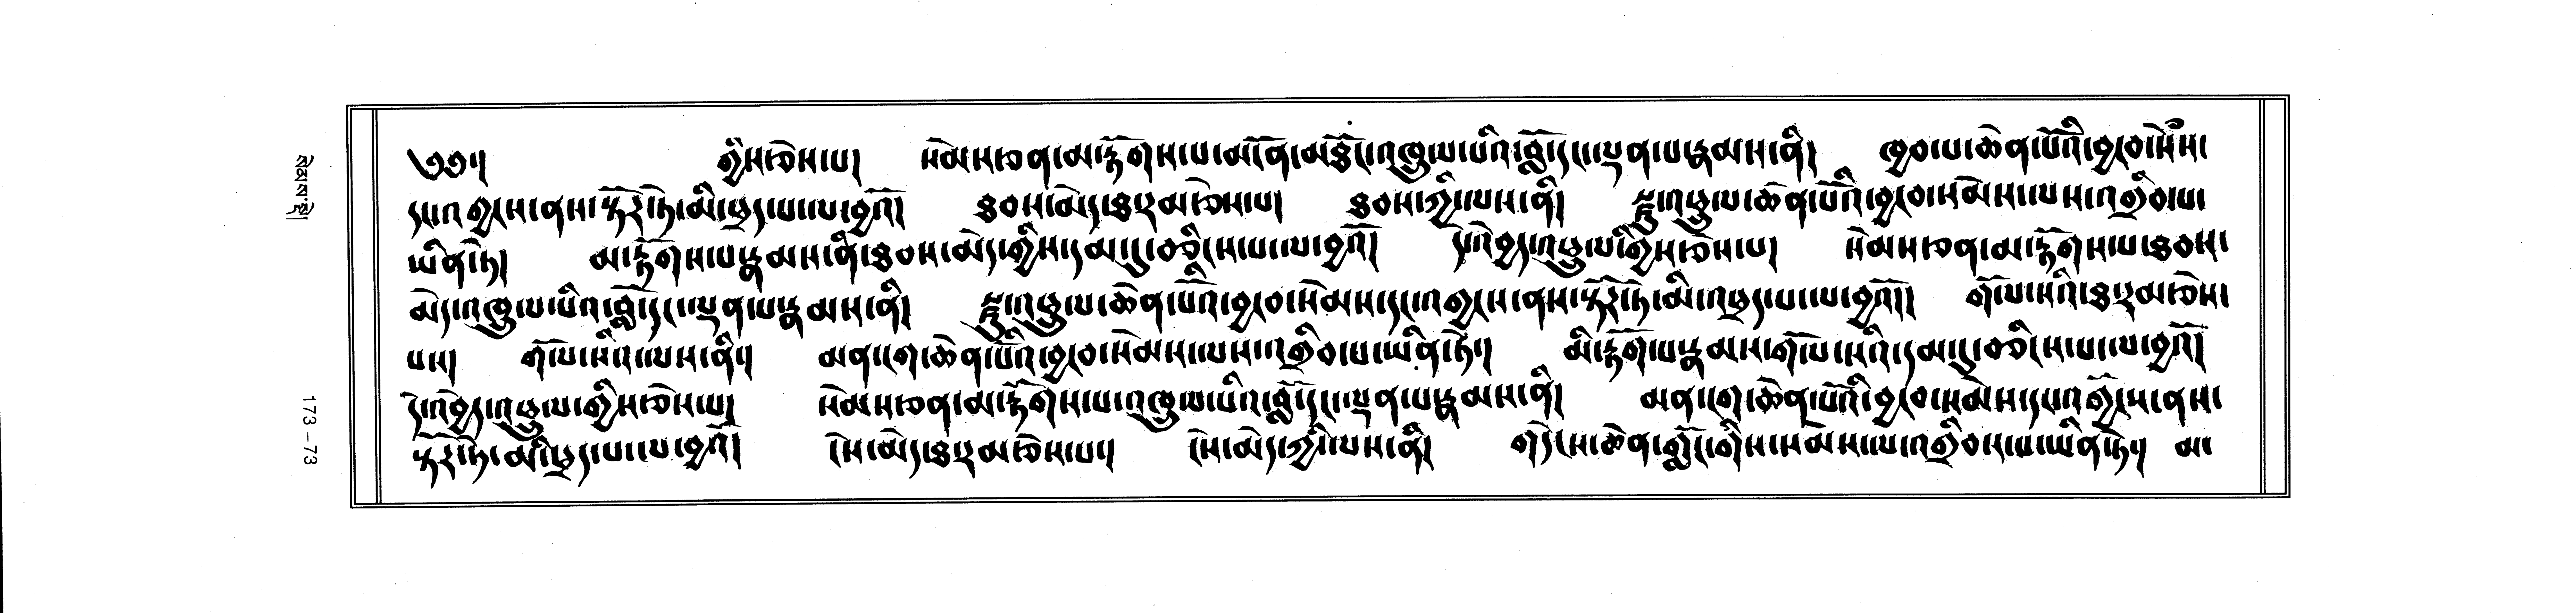གྱིས་ཅེས་པ། སེམས་ཅན་མ་རྟོགས་པ་མངོན་མཐོང་འཁྲུལ་པའི་བློ་དང་ལྡན་པ་རྣམས་ནི། ཁྱབ་པ་ཆེན་པོིའི་བྱང་ཆུབ་སེམས་
དང་འགྱངས་ནས་སྟོར་ཏེ་མི་འཕྲད་པ་ལ་བྱའོ། །ཐབས་མེད་ཐ་རམ་ཅེས་པ། ཐབས་ཀྱི་ལས་ནི། རྫུ་འཕྲུལ་ཆེན་པོའི་བྱང་ཆུབ་སེམས་ལས་འགྲིབ་པ་
ཡིན་ཏེ། མ་རྟོགས་པ་ནི་ཐབས་མེད་ཀྱིས་དམ་དུ་བཅིངས་པ་ལ་བྱའོ། །དེ་འབྱེད་འཕྲུལ་གྱིས་ཅེས་པ། སེམས་ཅན་མ་རྟོགས་པ་ཐབས་
མེད་འཁྲུལ་པའི་བློ་དང་ལྡན་པ་རྣམས་ནི། རྫུ་འཕྲུལ་ཆེན་པོའི་བྱང་ཆུབ་ཆུབ་སེམས་དང་འགྱངས་ནས་སྟོར་ཏེ་མི་འཕྲད་པ་ལ་བྱའོ། །གོལ་སའི་ཐ་རམ་ཅེས་
པས། གོལ་སའི་ལས་ནི། མན་ངག་ཆེན་པོའི་བྱང་ཆུབ་སེམས་དང་འགྲིབ་པ་ཡིན་ཏེ། མི་རྟོག་པ་རྣམས་གོལ་སའི་དམ་དུ་བཅིངས་པ་ལ་བྱའོ། །
དེ་འབྱེད་འཕྲུལ་གྱི་ཅེས་པ། སེམས་ཅན་མ་རྟོགས་པ་འཁྲུལ་པའི་བློ་དང་ལྡན་པ་རྣམས་ནི། མན་ངག་ཆེན་པོའི་བྱང་ཆུབ་སེམས་དང་འགྱངས་ནས་
སྟོར་ཏེ་མི་འཕྲད་པ་ལ་བྱའོ། །ངེས་མེད་ཐ་རམ་ཅེས་པ། ངེས་མེད་ཀྱི་ལས་ནི། གདེངས་ཆེན་ཀློང་གིས་སེམས་ལ་འགྲིབ་པ་ཡིན་ཏེ། མ་